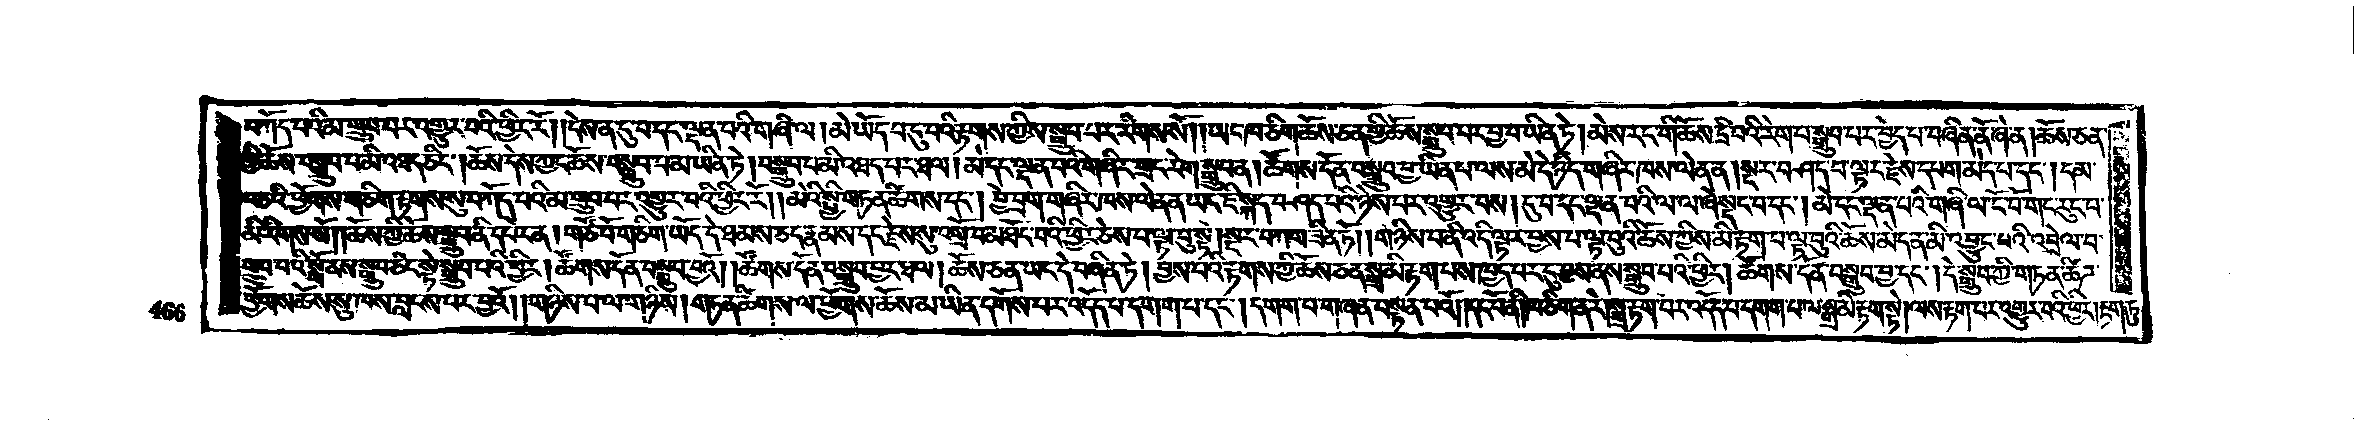བཀོད་པའི་མ་གྲུབ་པར་འགྱུར་བའི་ཕྱིར་རོ། །དེས་ན་དུ་བ་དང་ལྡན་པའི་གཞི་ལ། མེ་ཡོད་པ་དུ་བའི་རྟགས་ཀྱིས་སྒྲུབ་པར་རིགས་སོ། །ཡང་ཁ་ཅིག་ཆོས་ཅན་གྱི་ཆོས་སྒྲུབ་པར་བྱ་བ་ཡིན་ཏེ། མེས་རང་གི་ཆོས་དྲི་བའི་རེག་པ་སྒྲུབ་པར་བྱེད་པ་བཞིན་ནོ་ཞེ་ན། ཆོས་ཅན་
གྱི་ཆོས་བསྒྲུབ་པ་མི་འཐད་ཅིང་། ཆོས་དེས་ཀྱང་ཆོས་བསྒྲུབ་པ་མ་ཡིན་ཏེ། བསྒྲུབ་པ་མི་འཐད་པར་ཐལ། མེ་དང་ལྡན་པའི་གཞིར་གྲང་རེག་སྒྲུབ་ན། ཚོགས་དོན་བསྒྲུབ་བྱ་ཡིན་པ་ལས་མེ་དེ་ཉིད་གཞིར་ཁས་ལེན་ན། སྔར་བཤད་པ་ལྟར་རྗེས་དཔག་མེད་པ་དག། དམ་
བཅའི་ཕྱོགས་གཅིག་རྟགས་སུ་བཀོད་པའི་མ་གྲུབ་པར་འགྱུར་བའི་ཕྱིར་རོ། །མེའི་སྤྱི་གཏན་ཚིགས་དང་། བྱེ་བྲག་གཞིར་ཁས་ལེན་ན་ཡང་ཇི་སྐད་བཤད་པའི་ཉེས་པར་འགྱུར་བས། དུ་བ་དང་ལྡན་པའི་ལ་ལ་ཞེ་སྡང་བ་དང་། མེ་དང་ལྡན་པའི་གཞི་ལ་ངོ་བོ་གང་རུང་བ་
མི་རིགས་སོ། །ཆོས་ཀྱི་ཆོས་སྒྲུབ་ནི་དཔེར་ན། གཙོ་བོ་གཅིག་ཡོད་དེ་ཐམས་ཅད་རྣམས་དང་རྗེས་སུ་འགྲོ་བ་མཐོང་བའི་ཕྱིར་ཅེས་པ་ལྟ་བུ་སྟེ། སྡར་བཀག་ཟིན་ཏོ། །གཉིས་པ་ནི་འདི་ལྟར་བྱས་པ་ལྟ་བུའི་ཆོས་ཀྱིས་མི་རྟག་པ་ལྟ་བུའི་ཆོས་མེད་ན་མི་འབྱུང་པའི་འབྲེལ་བ་
གྲུབ་པའི་སྒོ་ནས་སྒྲུབ་ཅིང་སྟེ་སྒྲུབ་པའི་ཕྱིར། ཚོགས་དོན་བསྒྲུབ་བྱའོ། །ཚོགས་དོན་བསྒྲུབ་བྱར་ཐལ། ཆོས་ཅན་ཡང་དེ་བཞིན་ཏེ། བྱས་པའི་རྟགས་ཀྱི་ཆོས་ཅན་སྒྲ་མི་རྟག་པས་ཁྱད་པར་དུ་བྱས་ནས་སྒྲུབ་པའི་ཕྱིར། ཚོགས་དོན་བསྒྲུབ་བྱ་དང་། དེ་སྒྲུབ་ཀྱི་གཏན་ཚིགས་
ཕྱོགས་ཆོས་སུ་ཁས་བླངས་པར་བྱའོ། །གཉིས་པ་ལ་གཉིས། གཏན་ཚིགས་ལ་ཕྱོགས་ཆོས་མ་ཡིན་དགོས་པར་དགག་པ་དང་། དགག་པ་གཞན་བསྟན་པའོ། །དང་པོ་ནི། ཁ་ཅིག་ན་རེ། སྒྲ་རྟག་པར་འདོད་པ་དགག་པ་ལ་སྒྲ་མི་རྟག་སྟེ། ལས་རྟག་པར་འགྱུར་བའི་ཕྱིར། རྟག་ཏུ་